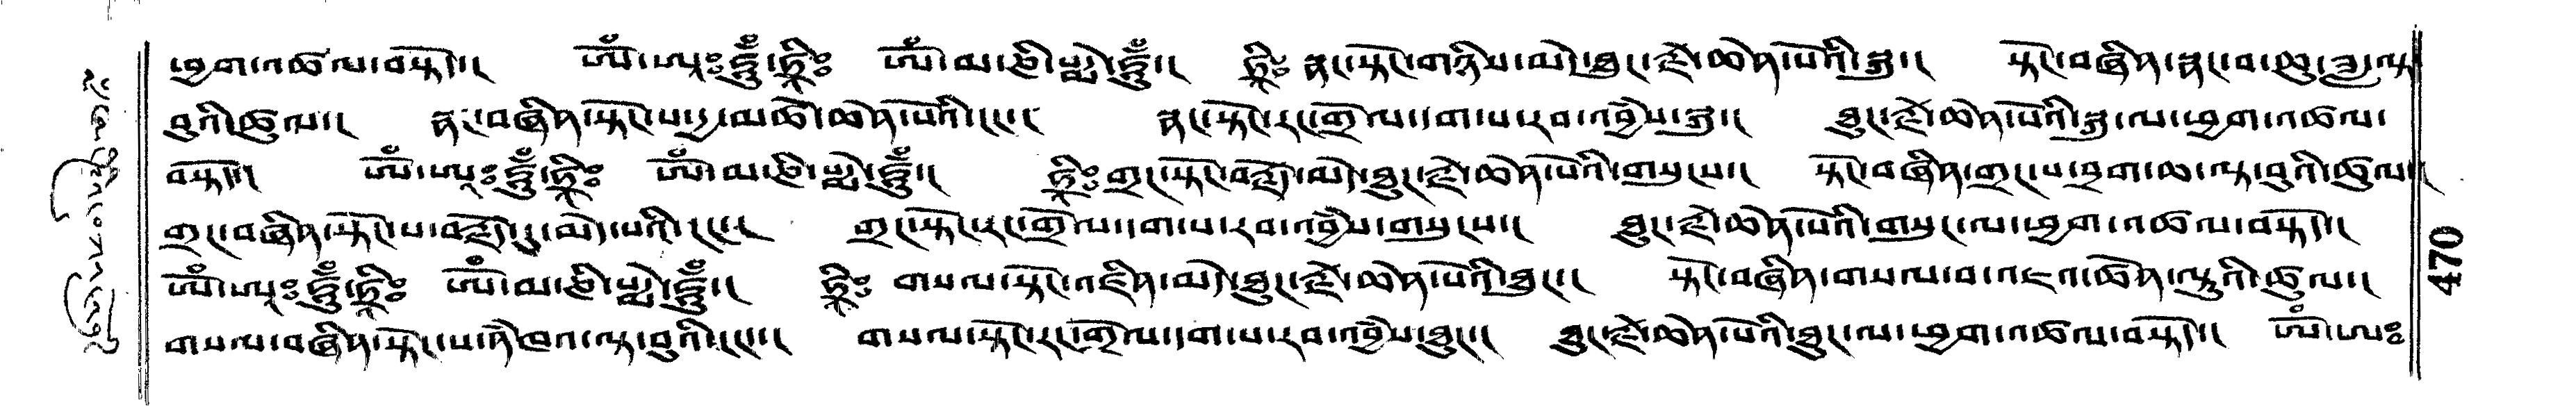ཕྱག་འཚལ་བསྟོད། ཨོཾ་ཨཱཿཧཱུྃ་ཧྲཱིཿ ཨོཾ་མ་ཎི་པདྨེ་ཧཱུྃ། ཧྲཱིཿ སྣང་སྟོང་གཉིས་མེད་ཐུགས་རྗེ་ཆེན་པོའི་སྐུ། །སྟོང་བཞིན་སྣང་བ་ཆུ་ཟླ་ལྟ་
བུའི་ཚུལ། །སྣང་བཞིན་སྟོང་པ་རྒྱ་མཚོ་ཆེན་པོའི་ངང་། །སྣང་སྟོང་རང་གྲོལ་དག་པ་རབ་འབྱམས་སྐུ། །ཐུགས་རྗེ་ཆེན་པོའི་སྐུ་ལ་ཕྱག་འཚལ་
བསྟོད།ཨོཾ་ཨཱཿཧཱུྃ་ཧྲཱིཿ ཨོཾ་མ་ཎི་པདྨེ་ཧཱུྃ། ཧྲཱིཿགྲགས་སྟོང་བརྗོད་མེད་ཐུགས་རྗེ་ཆེན་པོའི་གསུང་། །སྟོང་བཞིན་གྲགས་པ་བྲག་ཆ་ལྟ་བུའི་ཚུལ། །
གྲགས་བཞིན་སྟོང་པ་བརྗོད་དུ་མེད་པའི་ངང་། །གྲགས་སྟོང་རང་གྲོལ་དག་པ་རབ་འབྱམས་གསུང་། །ཐུགས་རྗེ་ཆེན་པོའི་གསུང་ལ་ཕྱག་འཚལ་བསྟོད། 
ཨོཾ་ཨཱཿཧཱུྃ་ཧྲཱིཿ ཨོཾ་མ་ཎི་པདྨེ་ཧཱུྃ། ཧྲཱིཿ གསལ་སྟོང་འཛིན་མེད་ཐུགས་རྗེ་ཆེན་པཽའི་ཐུགས། །སྟོང་བཞིན་གསལ་བ་འཇའ་ཚོན་ལྟ་བུའི་ཚུལ། །
གསལ་བཞིན་སྟོང་པ་ནམ་མཁའ་ལྟ་བུའི་ངང་། །གསལ་སྟོང་རང་གྲོལ་དག་པ་རབ་འབྱམས་ཐུགས། །ཐུགས་རྗེ་ཆེན་པོའི་ཐུགས་ལ་ཕྱག་འཚལ་བསྟོད། ཨོཾ་ཨཿ